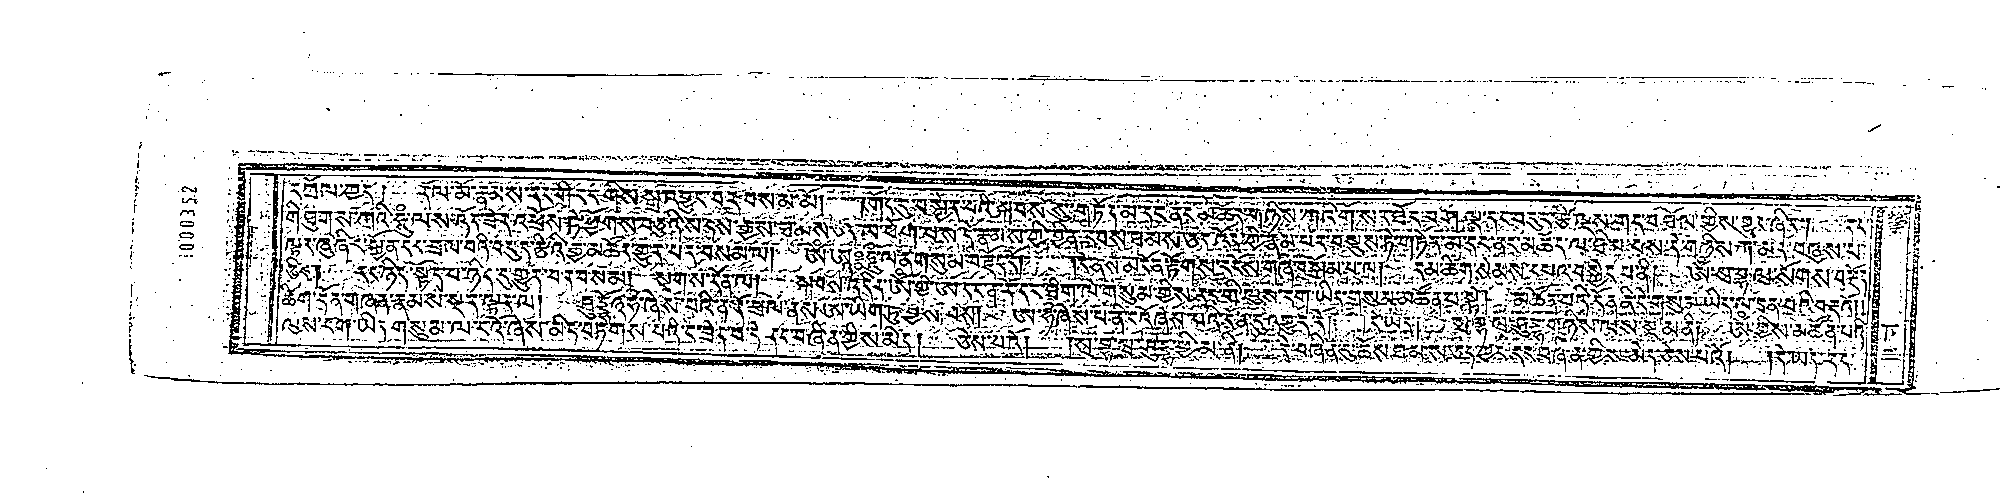དཀྲོལ་ཀྱང་། རོལ་མོ་རྣམས་རང་གི་དང་གིས་སྒྲ་འབྱུང་བར་བསམ་མོ། །གོང་དུ་བསྐྱེད་པའི་སྐབས་སུ་གཏོར་མ་དང་ནང་མཆོད་གཉིས་ཀའི་གོ་སར་ཐོད་པ་ཤ་ལྔ་དང་བདུད་རྩི་ལྔས་གད་བ་ཐོལ་གྱིས་བྱུང་ཞིང་། རང་
གི་ཐུགས་ཀའི་ཧཱུཾ་ལས་འོད་ཟེར་འཕྲོས་ཏེ་ཕྱོགས་བཅུའི་སངས་རྒྱས་ཐམས་ཅད་ལ་ཕོག་པས་དེ་རྣམས་ཀྱི་བྱིན་རླབས་ཐམས་ཅད་འོད་ཀྱི་རྣམ་པར་བསྡུས་ཏེ་གཏོར་མ་དང་ནང་མཆོད་ལ་ཐིམ་བས་དེ་གཉིས་ཀ་མར་བཞུས་པ་
ལྟར་ཞུ་ཞིང་སྐྱོན་དང་བྲལ་བའི་བདུད་རྩིའི་རྒྱ་མཚོར་གྱུར་པར་བསམ་ལ། ཨོཾ་ཨཱཿ་ཧཱུཾ་ལན་གསུམ་བརྗོད་དོ། །དེ་ནས་མངོན་རྟོགས་དངོས་གཞི་བསྒོམ་པ་ལ། དམ་ཚིག་སེམས་དཔའ་བསྐྱེད་པ་ནི། ཨོཾ་སྭ་བྷ་ཝ་སོགས་བརྗོད་
ཅིང་། རང་ཉིད་སྟོད་པ་ཉིད་དུ་གྱུར་བར་བསམ། སྔགས་དོན་ལ། སྐབས་འདིར་ཨོཾ་གྱི་ཨ་དང་ན་རོ་དང་ཐིག་ལེ་གསུམ་གྱིས་རང་གི་ལུས་དག་ཡིད་གསུམ་མཚོན་པ་སྟེ། མཚོན་པའི་དོན་ནི་དེ་གསུམ་ཡིད་ལ་དྲན་པའི་བརྡའོ། །
ཚིག་དོན་གཞན་རྣམས་སྔར་ལྟར་ལ། ཤུདྡྷོཉཧཾ་ཞེས་པའི་ན་རོ་ཕྲལ་ནས་ཨ་ཡིག་ཏུ་བྱས་པས། ཨ་ཧཾ་ཞེས་པ་ནི་ངའོ་ཞེས་པའི་དོན་དུ་འགྱུར་རོ། །དེ་ཡང་། སྭ་བྷ་ཝ་ཤུདྡྷ་གཉིས་ལས་སྔ་མ་ནི། ཨོཾ་གྱིས་མཚོན་པའི་
ལུས་ངག་ཡིད་གསུམ་ལ་ངའོ་ཞེས་མིད་བཏེགས་པའི་ང་ཟེར་བ་དེ་རང་བཞིན་གྱིས་མེད། ཅེས་པའོ། །སྭ་བྷ་ཝ་ཤུདྡྷ་ཕྱི་མ་ནི། དེ་བཞིན་དུ་ཆོས་ཐམས་ཅད་ཀྱང་རང་བཞིན་གྱིས་མེད་ཅེས་པའོ། །དེ་ཡང་རང་